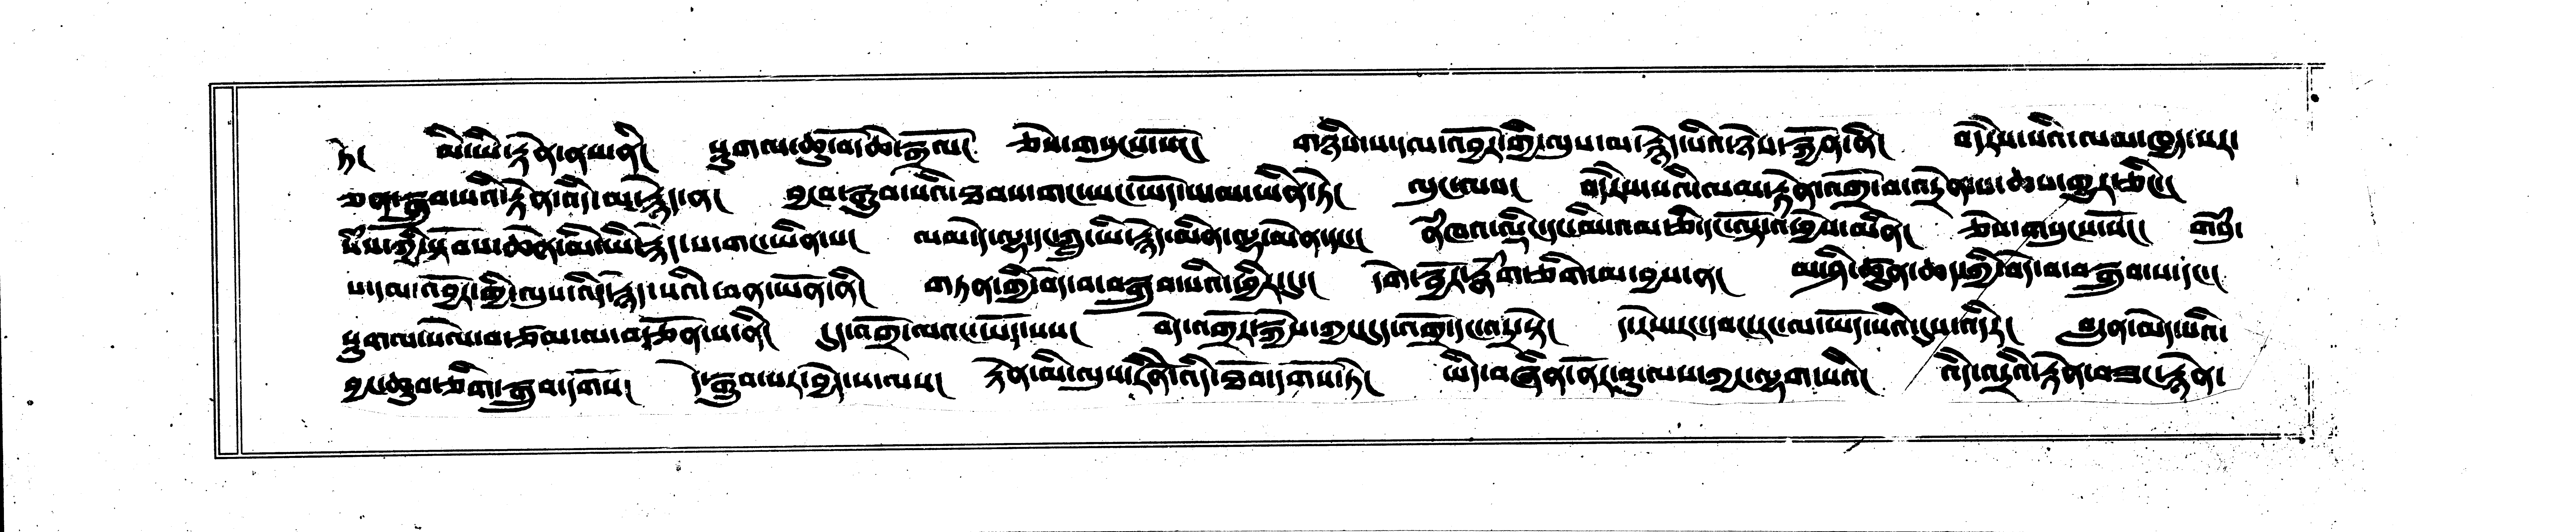ཏེ། མི་ཡི་རྟེན་ནས་ནི། སྡུག་བསྔལ་ཆུ་བོ་ཆེ་སྒྲོལ། ཅེས་གསུངས་སོ། །གཉིས་པ་དལ་འབྱོར་གྱི་ལུས་མ་རྙེད་པའི་ཉེས་སྐྱོན་ནི། བདེར་གཤེགས་ཀྱི་ལམ་ཁྱད་པར་
ཅན་བསྒྲུབ་པའི་རྟེན་འདི་མ་རྙེད་ན། བྱང་ཆུབ་བསྒྲུབ་པའི་ཐབས་གང་ཡང་ཡོད་པ་མ་ཡིན་ཏེ། ལུང་ལས། བདེ་བར་གཤེགས་པའི་ལམ་རྟེན་འགྲོ་བ་འདྲེན་པ་ཆས་གྱུར་ཅིང་། །
སེམས་ཀྱི་སྟོབས་ཆེན་མི་ཡི་རྙེད་པ་གང་ཡིན་པ། །ལམ་དེ་ལྷ་དང་ཀླུ་ཡིས་རྙེད་མིན་ལྷ་མིན་དང་། །ནམ་མཁའ་ལྡིང་དང་མིའམ་ཅི་དང་ལྟོ་འཕྱེས་མིན། །ཅེས་གསུངས་སོ། །གསུམ་
པ་དལ་འབྱོར་གྱི་ལུས་འདི་རྙེད་པའི་ཕན་ཡོན་ནི། གཏན་གྱི་བདེ་བ་བསྒྲུབ་པའི་ཕྱིར་དུ། དགེ་སྦྱོར་རྣམ་དག་ཅིག་མ་བྱས་ན། མ་ཤི་ཚུན་ཆད་ཀྱི་བདེ་བ་བསྒྲུབ་པ་དང་།
 སྡུག་བསྔལ་སེལ་བ་ཙམ་ལ་བརྩོན་པ་ནི། དུད་འགྲོ་ལའང་ཡོད་པས། བདེ་འགྲོར་སྐྱེས་ཀྱང་དུད་འགྲོ་དང་འདྲ་སྟེ། ད་རེས་རང་དབང་རང་ལ་ཡོད་པའི་དུས་འདིར་བླ་ན་མེད་པའི་
བྱང་ཆུབ་ཅིག་བསྒྲུབ་དགོས། དེ་སྒྲུབ་པར་བྱེད་པ་ལ་རྟེན་མི་ལུས་རིན་ཆེན་འདི་ཐོབ་དགོས་ཏེ། ཡིད་བཞིན་ནོར་བུ་ལས་ཀྱང་ལྷག་པའི། འདི་འདྲའི་རྟེན་བཟང་རྙེད་